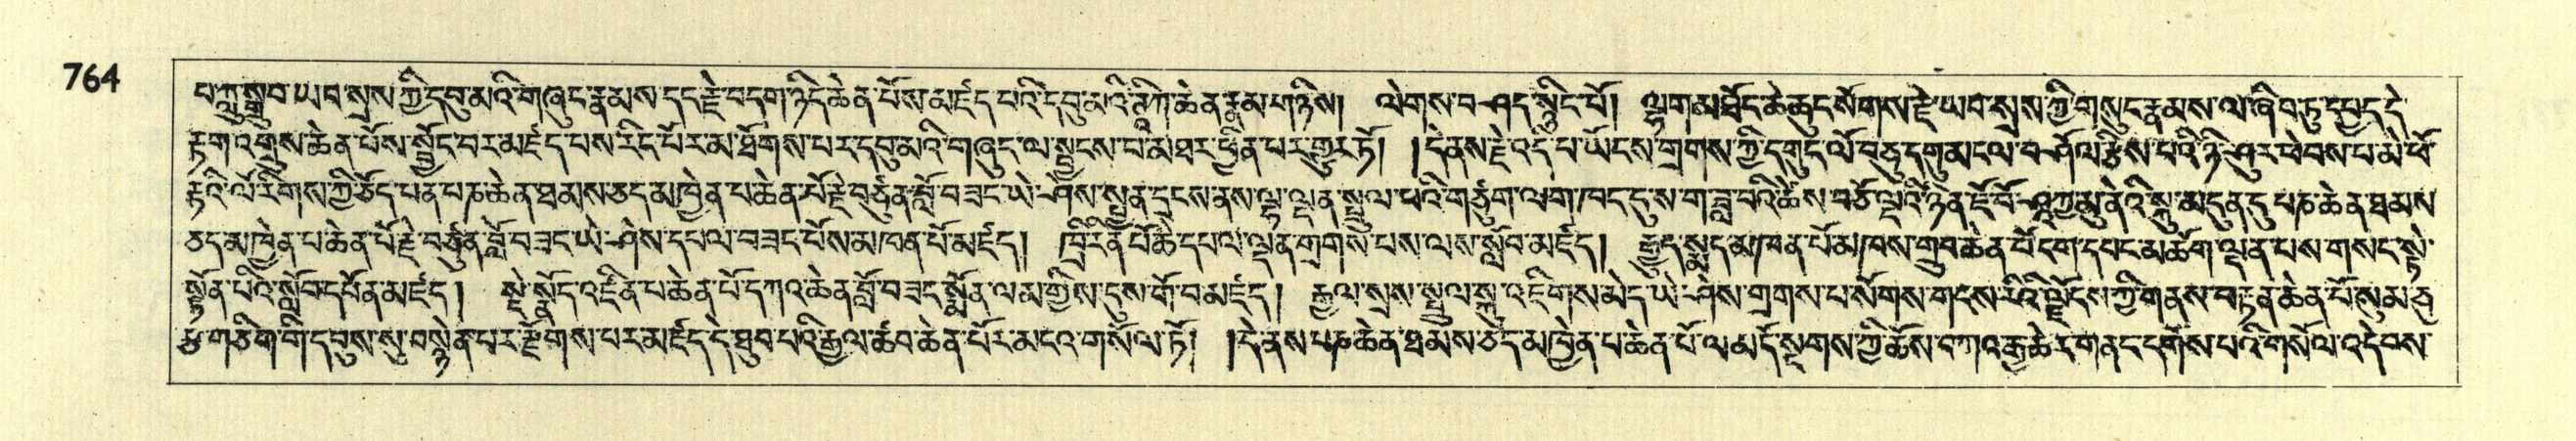པ་ཀླུ་སྒྲུབ་ཡབ་སྲས་ཀྱི་དབུ་མའི་གཞུང་རྣམས་དང་རྗེ་བདག་ཉིད་ཆེན་པོས་མཛད་པའི་དབུ་མའི་ཊཱིཀ་ཆེན་རྣམ་གཉིས། ལེགས་བཤད་སྙིང་པོ། ལྷག་མཐོང་ཆེ་ཆུང་སོགས་རྗེ་ཡབ་སྲས་ཀྱི་གསུང་རྣམས་ལ་ཞིབ་ཏུ་དཔྱད་དེ་
རྟག་འགྲུས་ཆེན་པོས་སྦྱོང་བར་མཛད་པས་རིང་པོར་མ་ཐོགས་པར་དབུ་མའི་གཞུང་ལ་སྦྱངས་པ་མཐར་ཕྱིན་པར་གྱུར་ཏོ། །དེ་ནས་རྗེ་འདི་པ་ཡོངས་གྲགས་ཀྱི་དགུང་ལོ་བཅུ་དགུ་མངལ་བཤོལ་རྩིས་པའི་ཉི་ཤུར་ཕེབས་པ་མེ་ཕོ་
རྟའི་ལོ་རིགས་ཀྱི་ཅོད་པན་པཎ་ཆེན་ཐམས་ཅད་མཁྱེན་པ་ཆེན་པོ་རྗེ་བཙུན་བློ་བཟང་ཡེ་ཤེས་སྤྱན་དྲངས་ནས་ལྷ་ལྡན་སྤྲུལ་ཕའི་གཙུག་ལག་ཁང་དུ་ས་ག་ཟླ་བའི་ཚེས་བཅོ་ལྔའི་ཉིན་ཇོ་བོ་ཤཱཀྱ་མུ་ནེའི་སྐུ་མདུན་དུ་པཎ་ཆེན་ཐམས་
ཅད་མཁྱེན་པ་ཆེན་པོ་རྗེ་བཙུན་བློ་བཟང་ཡེ་ཤེས་དཔལ་བཟང་པོས་མཁན་པོ་མཛད། ཁྲི་རིན་པོ་ཆེ་དཔལ་ལྡན་གྲགས་པས་ལས་སློབ་མཛད། རྒྱུད་སྨད་མཁན་པོ་མཁས་གྲུབ་ཆེན་པོ་ངག་དབང་མཆོག་ལྡན་པས་གསང་སྟེ་
སྟོན་པའི་སློབ་དཔོན་མཛད། སྡེ་སྣོད་འཛིན་པ་ཆེན་པོ་དཀའ་ཆེན་བློ་བཟང་སྨོན་ལམ་གྱིས་དུས་གོ་བ་མཛད། རྒྱལ་སྲས་སྤྲུལ་སྐུ་འཇིགས་མེད་ཡེ་ཤེས་གྲགས་པ་སོགས་གངས་རིའི་ལྗོངས་ཀྱི་གནས་བརྟན་ཆེན་པོ་སུམ་ཅུ་
རྩ་གཅིག་གི་དབུས་སུ་བསྙེན་པར་རྫོགས་པར་མཛད་དེ་ཐུབ་པའི་རྒྱལ་ཚབ་ཆེན་པོར་མངའ་གསོལ་ཏོ། །དེ་ནས་པཎ་ཆེན་ཐམས་ཅད་མཁྱེན་པ་ཆེན་པོ་ལ་མདོ་སྔགས་ཀྱི་ཆོས་བཀའ་རྒྱ་ཆེར་གནང་དགོས་པའི་གསོལ་འདེབས་